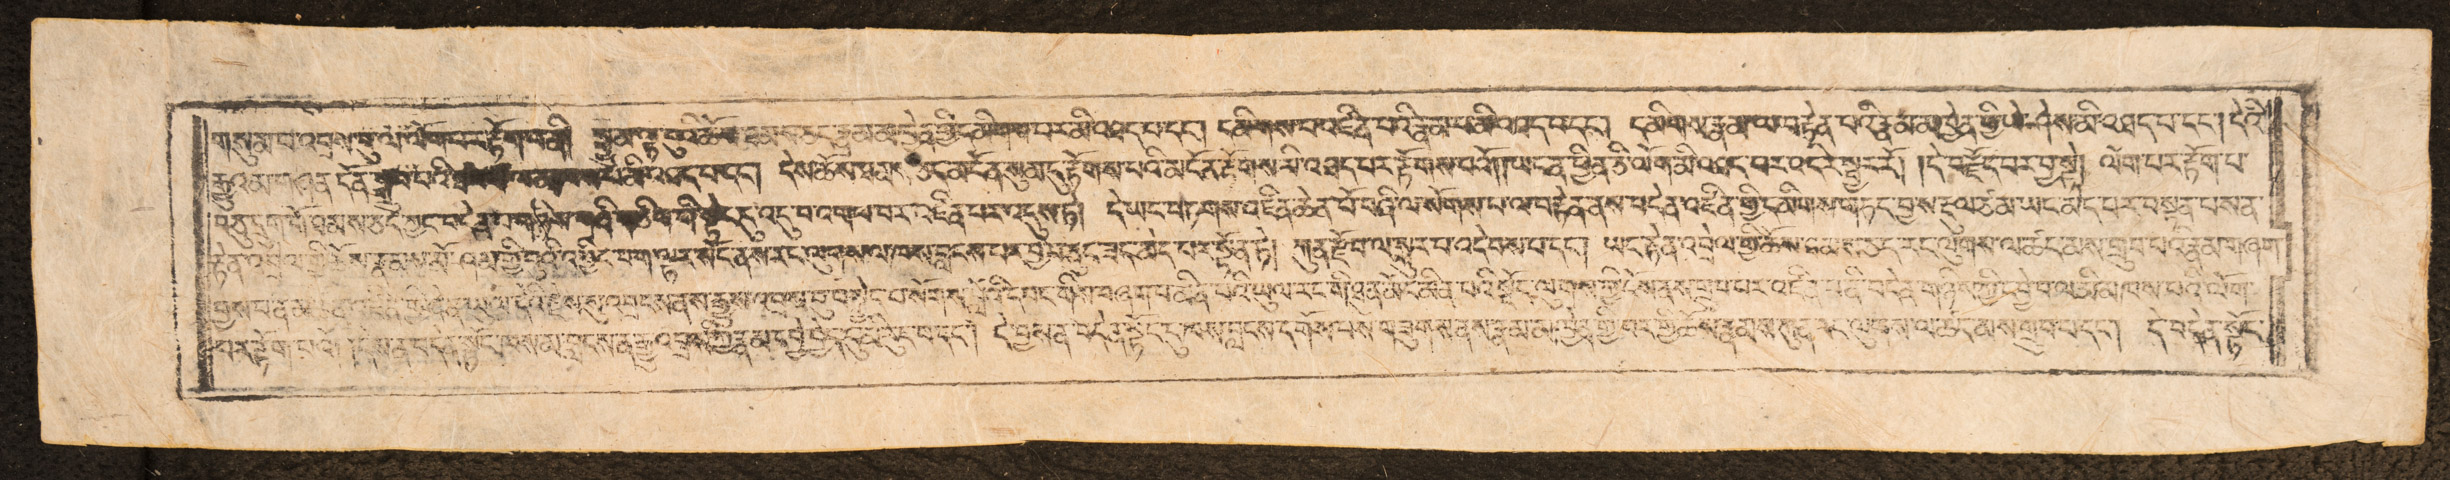གསུམ་པ་འབྲས་བུ་ལ་ལོག་པར་རྟོག་པ་ནི། སྒྱུ་མ་ལྟ་བུའི་ཆོས་ཐམས་ཅད་རྣམ་མཁྱེན་གྱི་དམིགས་པར་མི་འཐད་པ་དང་། དམིགས་པ་འཛིན་པའི་རྣམ་པ་མི་འཐད་པ་དང་། དམིགས་རྣམ་ལ་བརྟེན་པའི་རྣམ་མཁྱེན་གྱི་ཡེ་ཤེས་མི་འཐད་པ་དང་། དེའི་
རྒྱུའམ་གཞན་དོན་སྒྲུབ་པའི་ཐབས་ལ་མཁས་པ་མི་འཐད་པ་དང་། དེས་ཆོས་ཐམས་ཅད་མངོན་སུམ་དུ་རྟོགས་པའི་མངོན་རྟོགས་མི་འཐད་པར་རྟོགས་པའོ། །ཡང་ན་ཕྱིན་ཅི་ལོག་མི་འཐད་པར་འདིར་སྦྱར་རོ། །དེ་བརྗོད་པར་བྱ་སྟེ། ལོག་པར་རྟོག་པ་
བཅུ་དྲུག་གོ་ཐམས་ཅད་ཀྱང་བདེན་པ་གཉིས་གཞི་གཅིག་གི་སྟེང་དུ་འདུ་བ་འགལ་བར་འཛིན་པར་འདུས་ཏེ། དེ་ཡང་བཏགས་འཛིན་ཆེན་པོ་བཞི་ལ་སོགས་པ་ལ་བརྟེན་ནས་བདེན་འཛིན་གྱི་དམིགས་གཏང་བྱ་ས་རྡུལ་ཙམ་ཡང་མེད་པར་བསྟན་པས་ན་
རྟེན་འབྲལ་གྱི་ཆོས་རྣམས་མོ་ཤམ་གྱི་བུའི་འགྱིང་བག་ལྟར་སོང་ནས་རང་ལུགས་ལ་ཁས་བླངས་པར་བྱ་བ་ཅུང་ཟད་མེད་པར་སྟོན་ཏེ། ཀུན་རྫོབ་ལ་སྐུར་བ་འདེབས་པ་དང་། ཡང་རྟེན་འབྲེལ་གྱི་ཆོས་ཐམས་ཅད་རང་ལུགས་ལ་ཚད་མས་གྲུབ་པའི་རྣམ་གཞག་
བྱས་པ་ན་མཚན་འཛིན་གྱི་ཞེན་ཡུལ་དེའི་རྗེས་སུ་འབྲངས་ནས་རྒྱུས་འབྲས་བུ་བསྐྱེད་པ་སོགས་བློའི་དབང་གིས་བཞག་པ་མིན་པའི་ཡུལ་རང་གི་ཐུན་མོང་མིན་པའི་སྡོད་ལུགས་ཀྱི་ངོས་ནས་གྲུབ་པར་འཛིན་པ་ནི་བདེན་གཉིས་ཀྱི་དབྱེ་བ་ལ་མི་མཁས་པའི་ལོག་
པར་རྟོག་པའོ། །དེས་ན་བདེན་སྟོང་ཁས་མ་བླངས་ན་རྒྱུ་འབྲས་ཀྱི་རྣམ་དབྱེ་བྱེད་དུ་མི་རུང་བ་དང་། དེ་བྱེས་ན་བདེན་སྟོང་དུ་ཁས་བླངས་དགོས་པས་གཟུགས་ནས་རྣམ་མཁྱེན་གྱི་བར་གྱི་ཆོས་རྣམས་ཀུན་རང་ལུགས་ལ་ཚད་མས་གྲུབ་པ་དང་། དེ་བདེན་སྟོང་